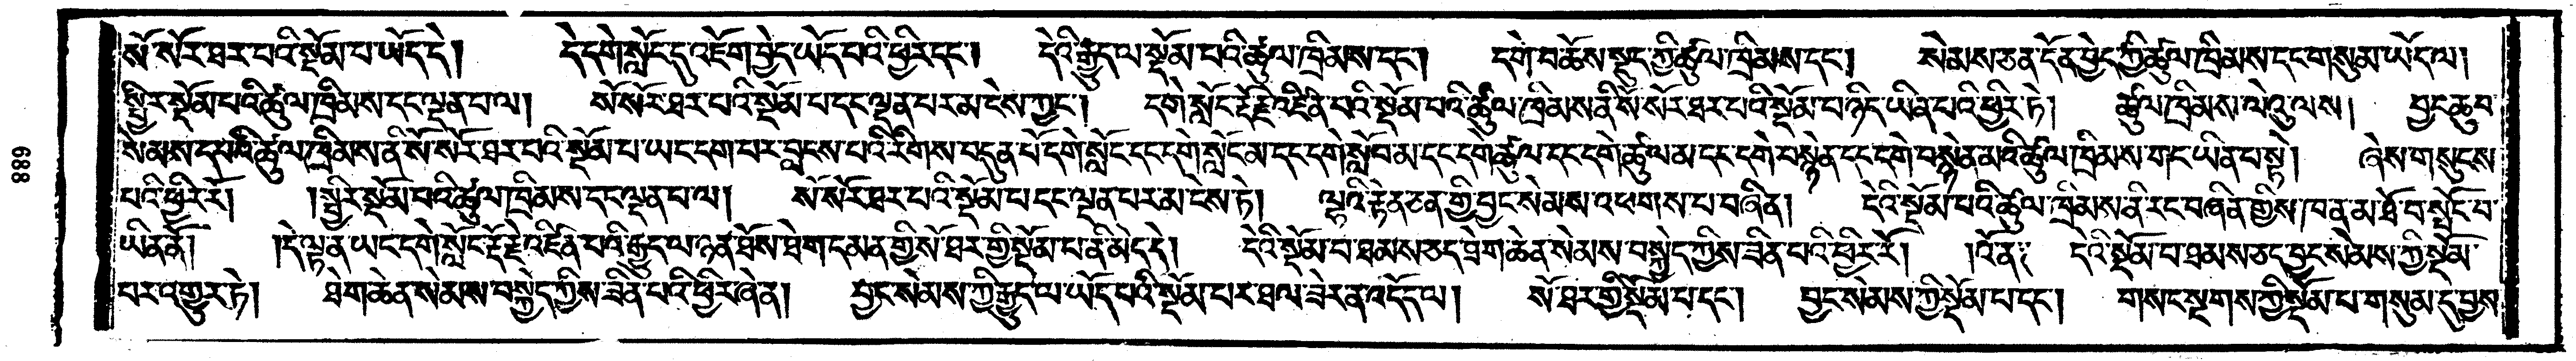སོ་སོར་ཐར་པའི་སྡོམ་པ་ཡོད་དེ། དེ་དགེ་སློང་དུ་འཇོག་བྱེད་ཡོད་པའི་ཕྱིར་དང་། དེའི་རྒྱུད་ལ་སྡོམ་པའི་ཚུལ་ཁྲིམས་དང་། དགེ་བ་ཆོས་སྡུད་ཀྱི་ཚུལ་ཁྲིམས་དང་། སེམས་ཅན་དོན་བྱེད་ཀྱི་ཚུལ་ཁྲིམས་དང་གསུམ་ཡོད་ལ།
སྤྱིར་སྡོམ་པའི་ཚུལ་ཁྲིམས་དང་ལྡན་པ་ལ། སོ་སོར་ཐར་པའི་སྡོམ་པ་དང་ལྡན་པར་མ་ངེས་ཀྱང་། དགེ་སློང་རྡོ་རྗེ་འཛིན་པའི་སྡོམ་པའི་ཚུལ་ཁྲིམས་ནི་སོ་སོར་ཐར་པའི་སྡོམ་པ་ཉིད་ཡིན་པའི་ཕྱིར་ཏེ། ཚུལ་ཁྲིམས་ལེའུ་ལས། བྱང་ཆུབ་
སེམས་དཔའི་ཚུལ་ཁྲིམས་ནི་སོ་སོར་ཐར་པའི་སྡོམ་པ་ཡང་དག་པར་བླངས་པའི་རིགས་བདུན་པོ་དགེ་སློང་དང་དགེ་སློང་མ་དང་དགེ་སློབ་མ་དང་དགེ་ཚུལ་མ་དང་དགེ་ཚུལ་མ་དང་དགེ་བསྙེན་དང་དགེ་བསྙེན་མའི་ཚུལ་ཁྲིམས་གང་ཡིན་པ་སྟེ། ཞེས་གསུངས་
པའི་ཕྱིར་རོ། །སྤྱིར་སྡོམ་པའི་ཚུལ་ཁྲིམས་དང་ལྡན་པ་ལ། སོ་སོར་ཐར་པའི་སྡོམ་པ་དང་ལྡན་པར་མ་ངེས་ཏེ། ལྷའི་རྟེན་ཅན་གྱི་བྱང་སེམས་འཕགས་པ་བཞིན། དེའི་སྡོམ་པའི་ཚུལ་ཁྲིམས་ནི་རང་བཞིན་གྱིས་ཁ་ན་མ་ཐོ་བ་སྤོང་བ་
ཡིན་ནོ། །དེ་ལྟ་ན་ཡང་དགེ་སློང་རྡོ་རྗེ་འཛིན་པའི་རྒྱུད་ལ་ཉན་ཐོས་ཐེག་དམན་གྱི་སོ་ཐར་གྱི་སྡོམ་པ་ནི་མེད་དེ། དེའི་སྡོམ་པ་ཐམས་ཅད་ཐེག་ཆེན་སེམས་བསྐྱེད་ཀྱིས་ཟིན་པའི་ཕྱིར་རོ། །འོ་ན༑ དེའི་སྡོམ་པ་ཐམས་ཅད་བྱང་སེམས་ཀྱི་སྡོམ་
པར་འགྱུར་ཏེ། ཐེག་ཆེན་སེམས་བསྐྱེད་ཀྱིས་ཟིན་པའི་ཕྱིར་ཞེ་ན། བྱང་སེམས་ཀྱི་རྒྱུད་ལ་ཡོད་པའི་སྡོམ་པར་ཐལ་ཟེར་ན་འདོད་ལ། སོ་ཐར་གྱི་སྡོམ་པ་དང་། བྱང་སེམས་ཀྱི་སྡོམ་པ་དང་། གསང་སྔགས་ཀྱི་སྡོམ་པ་གསུམ་དུ་བྱ་